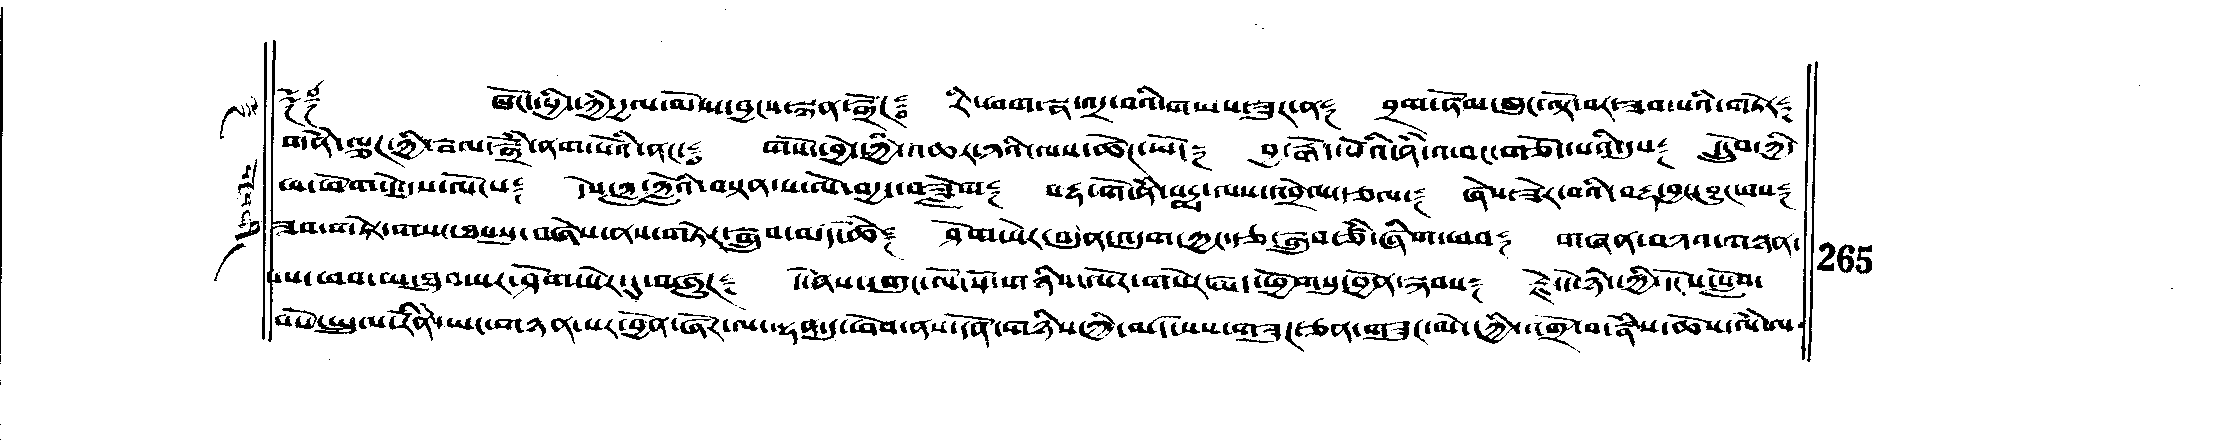ཁོང་དཔྱིད་ཀྱི་རྒྱལ་མོས་དབྱངས་སྙན་སྒྲོགས། །རི་ཕག་སྣ་འདྲ་བའི་གཡས་ཟུར་ན། །བྲག་ཧོམ་ཁུང་ལྟོ་བར་ཟབ་པའི་གཏེར། །
གནམ་ལྕགས་ཀྱི་སྦལ་སྒྲོམ་ནག་པོའི་ནང་། །གསོད་བྱེད་ཀྱི་འཆར་ཀའི་ལས་ཚོགས་ཡོད། །བྱ་རྒོད་པོའི་ནམ་འཕང་གཅོད་པའི་དུས། །དངོས་གྲུབ་ཀྱི་
ཕ་ཕོག་དེ་དུས་ལོངས། །དེས་ཀླ་ཀློའི་བསྟན་པ་ལོ་བརྒྱད་བཟློག །བརྡ་གོ་འམ་པདྨ་ལས་འབྲེལ་རྩལ། །ཞེས་ཟེར་བའི་བརྡ་བྱང་བྱུང་བས། 
ཟབ་གཏེར་གསང་ཐབས་སུ་བཞེས་ནས་གཏེར་སྒྲུབ་མཛད་ཚེ། ཤོག་སེར་བདུན་འདུག་ཀྱང་རྩ་སྒྲུབ་ཙམ་ཞིག་ཕབ། གཞན་བཀའ་གཉན་
པས་ཕབ་མ་ཐུབ་པར་ཤོག་སེར་དུ་བཞུགས། དེ་ནས་དགུང་ལོ་སོ་གཉིས་ལོར་གསེར་སྨད་ཕྱོགས་སུ་བྱོན་སྐབས། རྗེ་དེ་ཉིད་ཀྱི་དངོས་སློབ་
བསོ་སྤྲུལ་རིན་པོ་ཆེ་ཡང་གཉན་སར་བྱོན་ཞོར་ལ་ལྷན་དུ་ཕེབས་ནས་དོན་གཉིས་ཀྱི་མཛད་པས་གཟུགས་ཅན་གཟུགས་མེད་ཀྱི་འགྲོ་བ་རྣམས་ཆོས་ལམ་ལ་